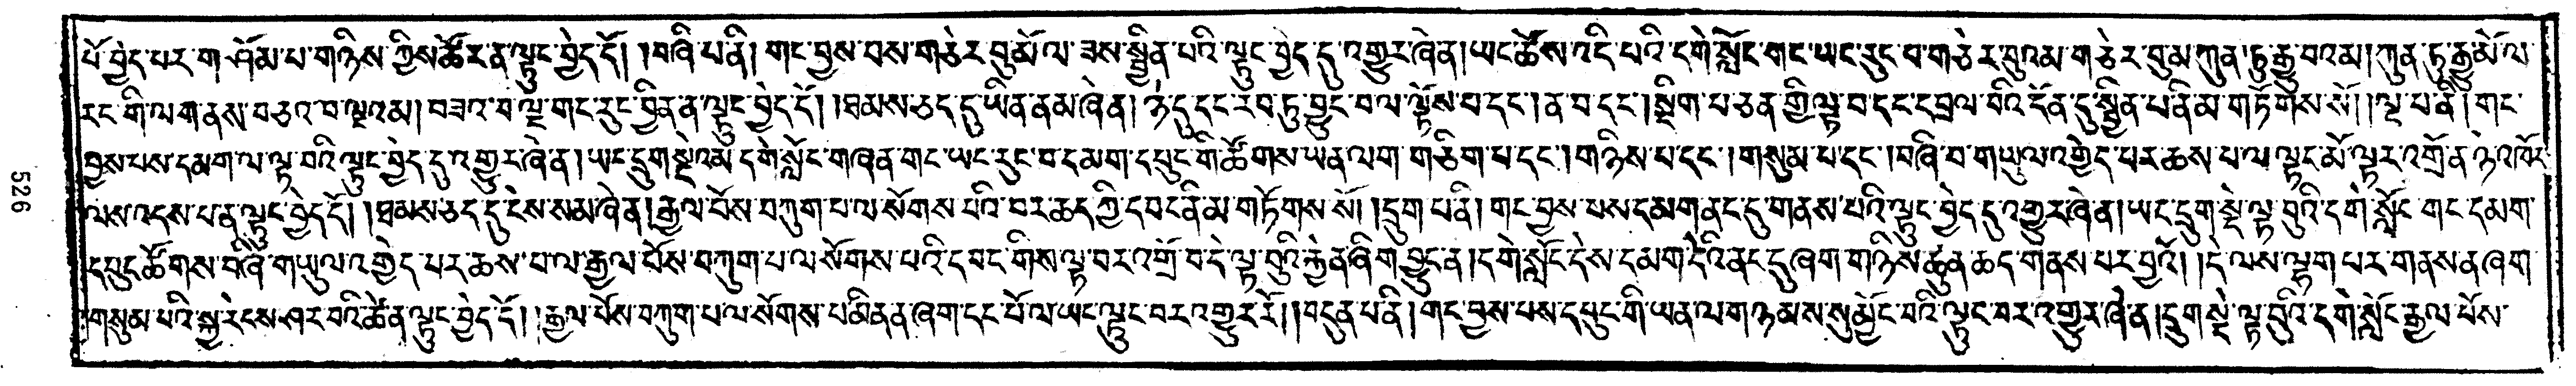པོ་བྱེད་པར་གཤོམ་པ་གཉིས་ཀྱིས་ཚོར་ན་ལྟུང་བྱེད་དོ། །བཞི་པ་ནི། གང་བྱས་པས་གཅེར་བུ་མོ་ལ་ཟས་སྦྱིན་པའི་ལྟུང་བྱེད་དུ་འགྱུར་ཞེ་ན། ཡང་ཆོས་འདི་པའི་དགེ་སློང་གང་ཡང་རུང་བ་གཅེར་བུའམ་གཅེར་བུ་མ་ཀུན་ཏུ་རྒྱུ་བའམ། ཀུན་ཏུ་རྒྱུ་མོ་ལ་
རང་གི་ལག་ནས་བཅའ་བ་ལྔའམ། བཟའ་བ་ལྔ་གང་རུང་བྱིན་ན་ལྟུང་བྱེད་དོ། །ཐམས་ཅད་དུ་ཡིན་ནམ་ཞེན། ཉེ་དུ་དང་རབ་ཏུ་བྱུང་བ་ལ་ལྟོས་པ་དང་། ན་བ་དང་། སྡིག་པ་ཅན་གྱི་ལྟ་བ་དང་དབྲལ་བའི་དོན་དུ་སྦྱིན་པ་ནི་མ་གཏོགས་སོ། །ལྔ་པ་ནི། གང་
བྱས་པས་དམག་ལ་ལྟ་བའི་ལྟུང་བྱེད་དུ་འགྱུར་ཞེ་ན། ཡང་དྲུག་སྔེའམ་དགེ་སློང་གཞན་གང་ཡང་རུང་བ་དམག་དཔུང་གི་ཚོགས་ཡན་ལག་གཅིག་པ་དང་། གཉིས་པ་དང་། གསུམ་པ་དང་།བཞི་བ་གཡུལ་འགྱེད་པར་ཆས་པ་ལ་ལྟང་མོ་ལྟར་འགྲོ་ན་ཉེ་འཁོར་
ལས་འདས་པ་ན་ལྟུང་བྱེད་དོ། །ཐམས་ཅད་དུ་ངེས་སམ་ཞེ་ན། རྒྱལ་པོས་བཀུག་པ་ལ་སོགས་པའི་བར་ཆད་ཀྱི་དབང་ནི་མ་གཏོགས་སོ། །དྲུག་པ་ནི། གང་བྱས་པས་དམག་ནང་དུ་གནས་པའི་ལྟུང་བྱེད་དུ་འགྱུར་ཞེ་ན། ཡང་དྲུག་སྡེ་ལྟ་བུའི་དགེ་སློང་གང་དམག་
དཔུང་ཚོགས་བཞི་གཡུལ་འགྱེད་པར་ཆས་པ་ལ་རྒྱལ་པོས་བཀུག་པ་ལ་སོགས་པའི་དབང་གིས་ལྟ་བར་འགྲོ་བ་དེ་ལྟ་བུའི་རྐྱེན་ཞིག་བྱུང་ན། དགེ་སློང་དེས་དམག་དེའི་ནང་དུ་ཞག་གཉིས་ཚུན་ཆད་གནས་པར་བྱའོ། །དེ་ལས་ལྷག་པར་གནས་ན་ཞག་
གསུམ་པའི་སྐྱ་རེངས་ཤར་བའི་ཚེ་ན་ལྟུང་བྱེད་དོ། །རྒྱལ་པོས་བཀུག་པ་ལ་སོགས་པ་མིན་ན་ཞག་དང་པོ་ལ་ཡང་ལྟུང་བར་འགྱུར་རོ། །བདུན་པ་ནི། གང་བྱས་པས་དཔུང་གི་ཡན་ལག་ཉམས་སུ་མྱོང་བའི་ལྟུང་བར་འགྱུར་ཞེ་ན། དྲུག་སྡེ་ལྟ་བུའི་དགེ་སློང་རྒྱལ་པོས་